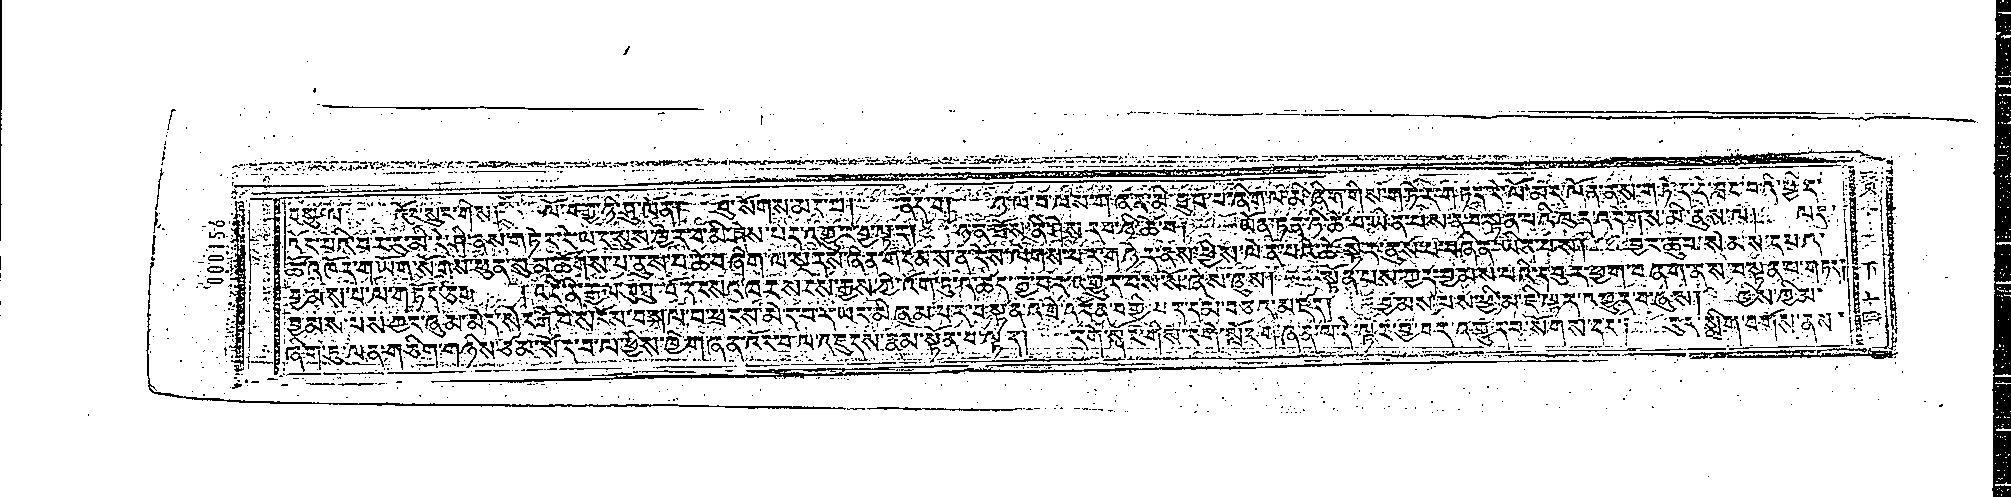བསྩལ་འོད་སྲུང་གིས། ལོ་བརྒྱ་ཉི་ཤུ་ལོན། བུ་སོགས་མང་པ། ནང་པ། ཉལ་བ་ལས་གཞན་མི་ཐུབ་པ་ཞིག་ལ་མི་ཞིག་གིས་གཏེར་གཏད་དེ་ལོ་མང་ལོན་ནས་གཏེར་དེ་བླང་བའི་ཕྱིར་
འོང་པའི་བར་དུ་མི་དེ་ཤི་ནས་གཏེར་དེ་ཡང་སུས་ཁྱེར་བ་མི་ཤེས་པར་འགྱུར་བྱ་ལྟར། ཉན་ཐོས་ནི་ཤེས་རབ་ཉི་ཚེ་བ། ཡོན་ཏན་ཉི་ཚེ་བ་ཡིན་པས་ན་བསྟན་པའི་ཁུར་འདེགས་མི་ནུས་ལ། ལང་
ཚོ་འཁོར་གཡོག་སོགས་ཕུན་སུམ་ཚོགས་པ་ནུས་པ་ཆེ་བཞིག་ལ་སྔ་རས་ཞིན་གདམས་ན་དེས་ལེགས་པར་གཉེར་ནས་ཕྱིས་ལེན་པའི་ཚེ་སྟེར་ནུས་པ་བཞིན་ཡིན་པས། བྱང་ཆུབ་སེམས་དཔའ་
བྱམས་པ་ལ་གཏོད་ཅིག །འདི་ནི་རྒྱལ་བུ་ཐུ་བོ་དངས་འཁོར་སངས་རྒྱས་ཀྱི་འོག་ཏུ་འཚད་རྒྱ་བར་འགྱུར་བས་སོ་ཞེས་ཞུས། སྟོན་པས་ཀྱང་བྱམས་པའི་དབུར་ཕྱག་བཞག་ནས་བསྟན་པ་གཏང་།
བྱམས་པས་ཀྱང་ཞུམ་མེད་སེང་གེ་བིས་ངོམ?་བསྐལ་པ་ཕྲངས་མེད་བར་ཡང་མི་ཞུམ་པར་བསྟན་འགྲོའི་དོན་བགྱི་པར་དམ་བཅའ་མཛད། བྱམས་པས་ཕྱི་མ་ཇི་ལྟར་འགྱུར་བ་ཞུས། ཕྱིས་ཁྱིམ་
ཞིག་ཏུ་ལན་གཅིག་གཉིས་ཙམ་སོད་བ་ལ་ཕྱིས་ཁྱི་གཞན་འོང་བ་ལ་འཇུངས་རྣམ་སྟོན་པ་ལྟར། དགེ་སློང་གིས་དགེ་སློང་གཞན་ལ་དེ་ལྟར་བྱ་བར་འགྱུར་བ་སོགས་དང་། དུར་སྨྲིག་བགོས་ནས་